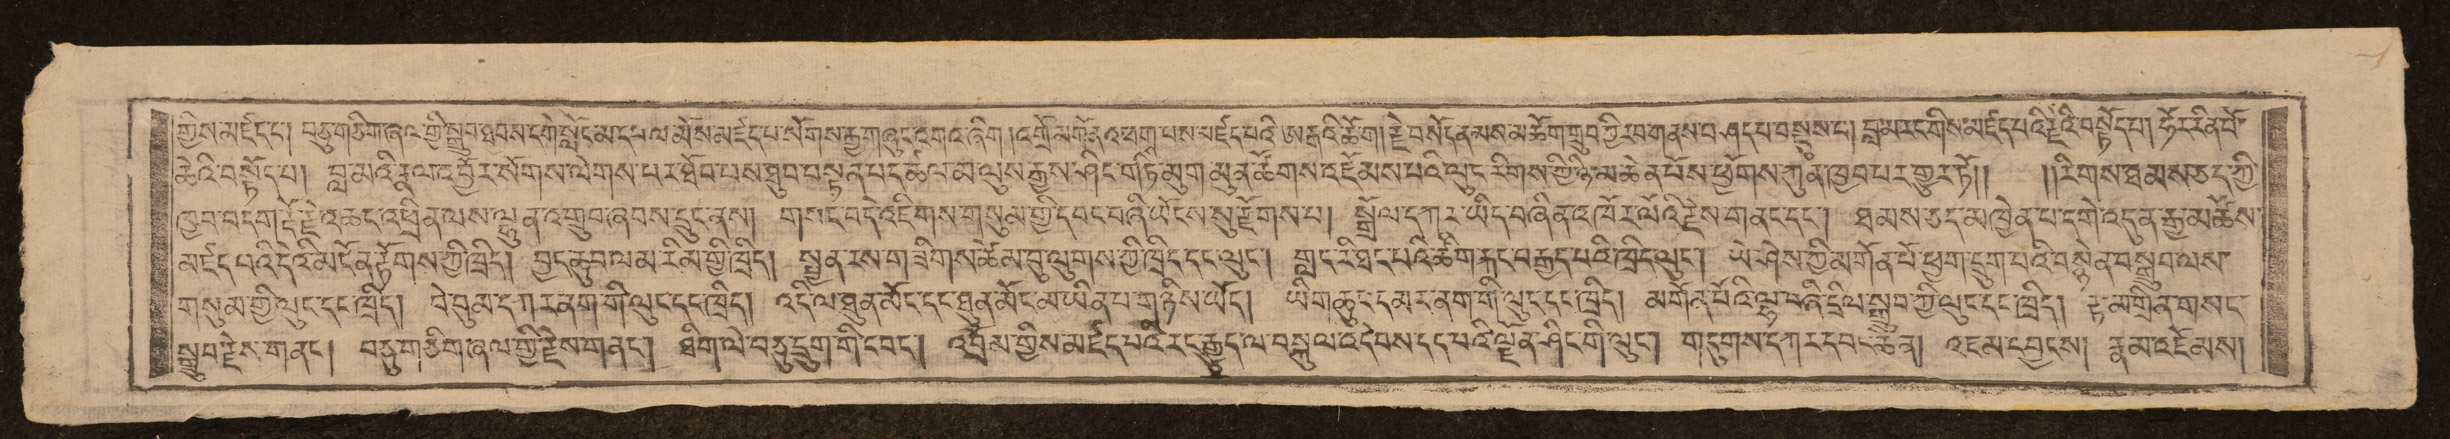གྱིས་མཛད་དང་། བཅུ་གཅིག་ཞལ་གྱི་སྒྲུབ་ཐབས་དགེ་སློང་མ་དཔལ་མོས་མཛད་པ་སོགས་རྒྱ་གཞུང་འགའ་ཞིག །འགྲོ་མགོན་འཕགས་པས་མཛད་པའི་ཨརྒའི་ཆོག། རྗེ་བསོད་ནམས་མཆོག་གྲུབ་ཀྱི་རབ་གནས་བཤད་པ་བསྡུས་པ། བླ་མ་རང་གིས་མཛད་པའི་རྗེའི་བསྟོད་པ། ཧོར་རིན་པོ་
ཆེའི་བསྟོད་པ། བླ་མའི་རྣལ་འབྱོར་སོགས་ལེགས་པར་ཐོབ་པས་ཐུབ་བསྟན་པད་ཚལ་མ་ལུས་རྒྱུས་ཤིང་གཏི་མུག་མུན་ཚོགས་འཇོམས་པའི་ལུང་རིགས་ཀྱི་ཉི་མ་ཆེན་པོས་ཕྱོགས་ཀུན་ཁྱབ་པར་གྱུར་ཏོ།། །།རིགས་ཐམས་ཅད་ཀྱི་
ཁྱབ་བདག་རྡོ་རྗེ་འཆད་འཕྲིན་ལས་ལྷུན་འགྲུབ་ཞབས་དྲུང་ནས། གསང་བདེ་འཇིགས་གསུམ་གྱི་དབང་བཞི་ཡོངས་སུ་རྫོགས་པ། སྒྲོལ་དཀར་ཡིད་བཞིན་འཁོར་ལོའི་རྗེས་གནང་དང་། ཐམས་ཅད་མཁྱེན་པ་དགེ་འདུན་རྒྱ་མཚོས་
མཛད་པའི་དེའི་མངོན་རྟོགས་ཀྱི་ཁྲིད། བྱང་ཆུབ་ལམ་རིམ་གྱི་ཁྲིད། སྤྱན་རས་གཟིགས་ཚེམ་བུ་ལུགས་ཀྱི་ཁྲིད་དང་ལུང་། གླང་རི་ཐད་པའི་ཚིག་རྐང་བརྒྱད་པའི་ཁྲིད་ལུང་། ཡེ་ཤེས་ཀྱི་མགོན་པོ་ཕྱག་དྲུག་པའི་བསྙེན་བསྒྲུབ་ལས་
གསུམ་གྱི་ལུང་དང་ཁྲིད། བེ་བུམ་དཀར་ནག་གི་ལུང་དང་ཁྲིད། འདི་ལ་ཐུན་མོང་དང་ཐུན་མོང་མ་ཡིན་པ་གཉིས་ཡོད། ཡིག་ཆུང་དམར་ནག་གི་ལུང་དང་ཁྲིད། མགོན་པོའི་ལྷ་བཞི་དྲིལ་སྒྲུབ་ཀྱི་ལུང་དང་ཁྲིད། རྟ་མགྲིན་གསང་
སྒྲུབ་རྗེས་གནང་། བཅུ་གཅིག་ཞལ་གྱི་རྗེས་གནང་། ཐིག་ལེ་བཅུ་དྲུག་གི་དབང་། འབྲོམ་གྱིས་མཛད་པའི་རང་རྒྱུད་ལ་བསྐུལ་འདེབས་དད་པའི་ལྗོན་ཤིང་གི་ལུང་། གདུགས་དཀར་དབང་ཆེན། འཇམ་དབྱངས། རྣམ་འཇོམས།